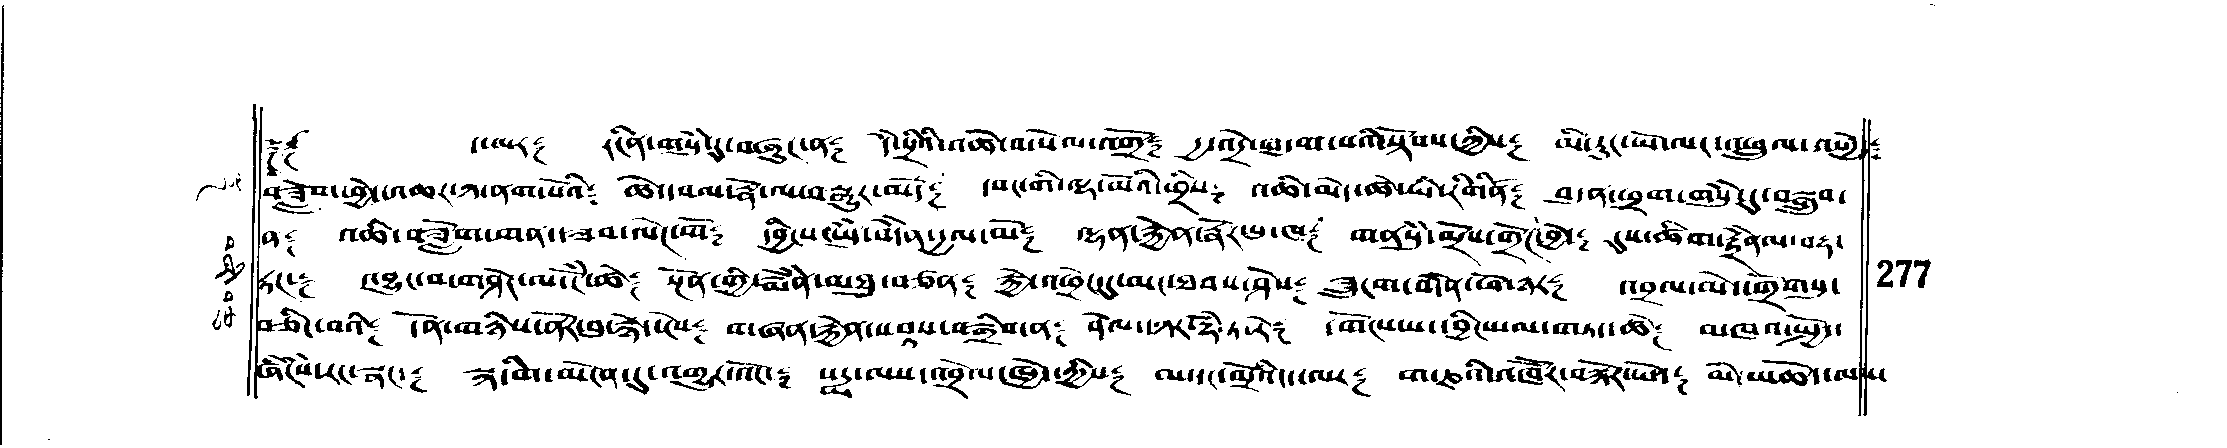ད་ལར། །རང་བཞིན་གསུམ་དུ་བཞུགས་ན། །དམ་སྲིའི་འཚེ་བ་སེལ་འགྲོ། །རྒྱ་འདྲེ་གདུག་པའི་སྟོབས་ཀྱིས། །མི་རུང་ཡོ་ལང་འཕྲུལ་འགྱེད། །
བཟློག་ཕྱེད་འཆར་ཀ་ནག་པོའི། །ཚེ་དཔལ་རྣོ་ལ་བསྒྱུར་མཛོད། །དབང་གི་ལྷ་མོའི་ཕྲིན་ལས། །འཆི་མེད་ཚེ་ཡི་རིག་འཛིན། །བདུན་ཕྲག་གསུམ་དུ་བསྒྲུབ་
ན། །འཆི་བཟློག་གནད་ཟབ་ལེགས་གོ །དབྱིངས་ཡུམ་བདེ་ཆེན་རྒྱལ་མོ། །ལྷན་རྐྱེན་རྣལ་འབྱོར་སུ་ཁ། །གནས་གསུམ་མཁའ་འགྲོ་གྲོགས་བྱེད། །དུས་ཚིགས་རྟེན་འབྲེལ་བརྡ་
རྟགས། །འབྱུང་བ་གཤེར་ལ་ངོམ་ཚེ། །སྔོན་གྱི་སྨོན་ལམ་མཐུ་བཙན། །སྐྱེ་འཕྲེང་དུ་མར་ཐབས་ཤེས། །ཟུང་འཇུག་བདེ་ཆེན་ཕོ་ཉར། །འབྲལ་མེད་གྲོགས་སུ་
བཅིང་བའི། །དོན་གཉིས་ནོར་བུ་རྙེད་ངེས། །གཞན་རྐྱེན་སབྟས་བསྒྲིབ་ན། །ཤེལ་དཀར་རྡོ་རྗེ་ཏ་རེ། །དགོངས་པ་དབྱིངས་ལ་གཏད་ཚེ། །མཁའ་སྤྱོད་
ཞིང་ཁམས་རང་སྣང་། །སྐད་ཅིག་མངོན་དུ་འགྱུར་འོང་། །པདྨ་ལས་འབྲེལ་ཁྱོད་ཀྱིས། །མ་དང་མཁའ་འགྲོའི་ད་ལར། །ག་ཎའི་འཁོར་ལོ་བསྐོར་ཡོང་། །མེ་མཆོད་ལས་